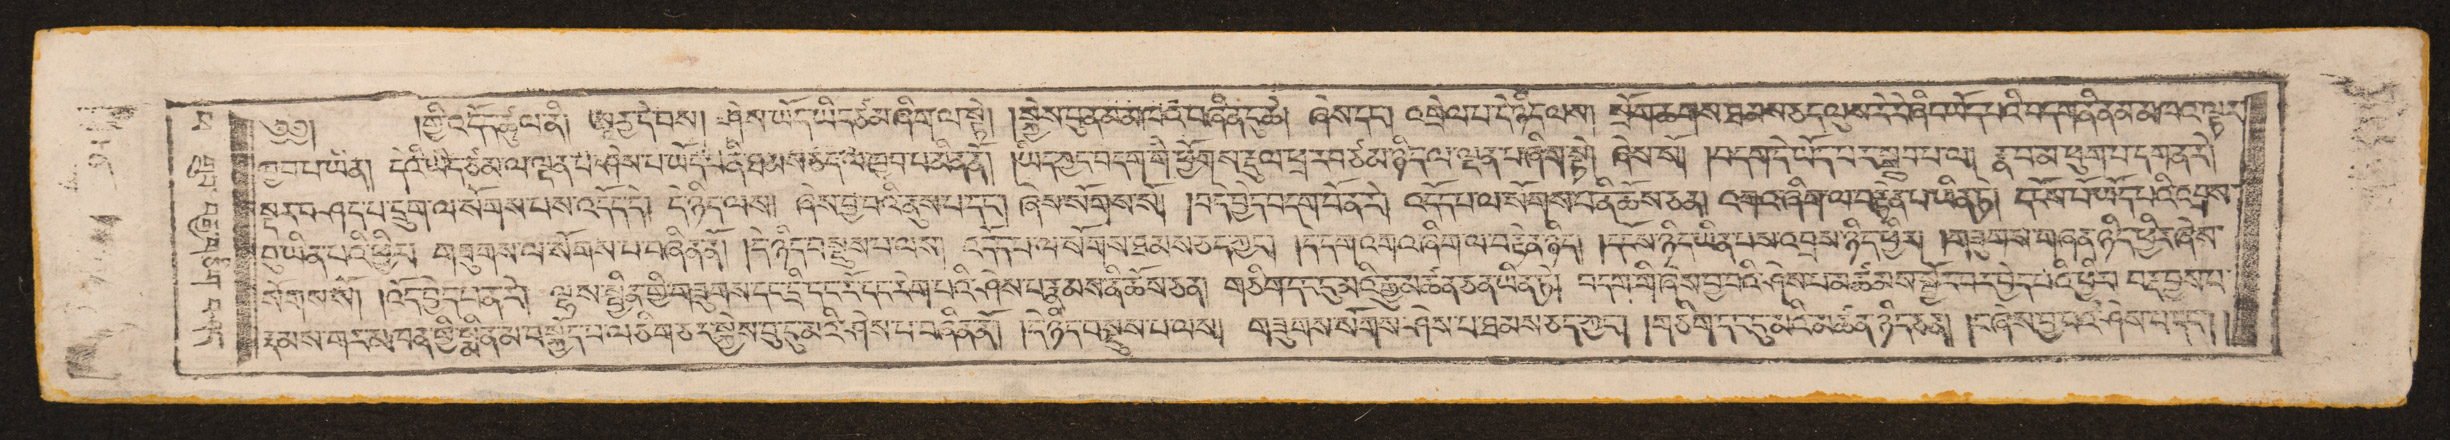༄༅། །གྱི་འདོད་ཚུལ་ནི། ཨཱརྱ་དེ་བས། ཤེས་ཡོང་ཡིད་ཙམ་ཞིག་ལ་སྟེ། །སྐྱེས་བུ་ནམ་མཁའ་བཞིན་དུ་ཆེ། ཞེས་དང་། འགྲེལ་པ་དེ་ཉིད་ལས། སྲོག་ཆགས་ཐམས་ཅད་ལུས་རེ་རེ་ཞིང་ཡོད་པའི་བདག་ནི་ནམ་མཁའ་ལྟར་
ཁྱབ་པ་ཡིན། དེའི་ཡིད་ཙམ་ལ་ལྡན་པ་ཤེས་པ་ཡོད་པ་ནི་ཐམས་ཅད་ལ་ཁྱབ་པ་མིན་ནོ། །ཡིད་ཀྱང་བདག་གི་ཕྱོགས་རྡུལ་ཕྲ་རབ་ཙམ་ཉིད་ལ་ལྡན་པ་ཞིག་སྟེ། ཞེས་སོ། །བདག་དེ་ཡོད་པར་སྒྲུབ་པ་ལ། རྣ་བ་མ་ཕུག་བདག་ན་རེ།
སྔར་བཤད་པ་དྲུག་ལ་སོགས་པས་འདོད་དེ། དེ་ཉིད་ལས། ཞེས་བྱ་བའི་ནུས་པ་དང་། ཞེས་སོགས་སོ། །བདེ་བྱེད་བདག་པོ་ན་རེ། འདོད་པ་ལ་སོགས་པ་ནི་ཆོས་ཅན། འགའ་ཞིག་ལ་བརྟེན་པ་ཡིན་ཏེ། དངོས་པོ་ཡོད་པའི་འབྲས་
བུ་ཡིན་པའི་ཕྱིར། གཟུགས་ལ་སོགས་པ་བཞིན་ནོ། །དེ་ཉིད་བསྡུས་པ་ལས། འདོད་པ་ལ་སོགས་ཐམས་ཅད་ཀྱང་། །དེ་དག་འགའ་ཞིག་ལ་བརྟེན་ཉིད། །དངོས་ཉིད་ཡིན་པས་འབྲས་ཉིད་ཕྱིར། །གཟུགས་གཞན་ཉིད་ཕྱིར་ཞེས་
སོགས་སོ། །འོད་བྱེད་པ་ན་རེ། ལྷས་སྦྱིན་གྱི་གཟུགས་དང་དྲི་དང་རོ་དང་རེག་པའི་ཤེས་པ་རྣམས་ནི་ཆོས་ཅན། གཅིག་དང་དུ་མའི་རྒྱུ་མཚན་ཅན་ཡིན་ཏེ། བདག་གི་ཞེས་བྱ་པའི་ཤེས་པ་མཚམས་སྦྱོར་བར་བྱེད་པའི་ཕྱིར། བརྡ་བྱས་པ་
རྣམས་གར་མཁན་གྱི་སྨིན་མ་བསྐྱོད་པ་ལ་ཅིག་ཅར་སྐྱེས་བུ་དུ་མའི་ཤེས་པ་བཞིན་ནོ། །དེ་ཉིད་བསྡུས་པ་ལས། གཟུགས་སོགས་ཤེས་པ་ཐམས་ཅད་ཀྱང་། །གཅིག་དང་དུ་མའི་མཚན་ཉིད་ཅན། །བཞེས་བྱ་བའི་ཤེས་པ་དང་། །